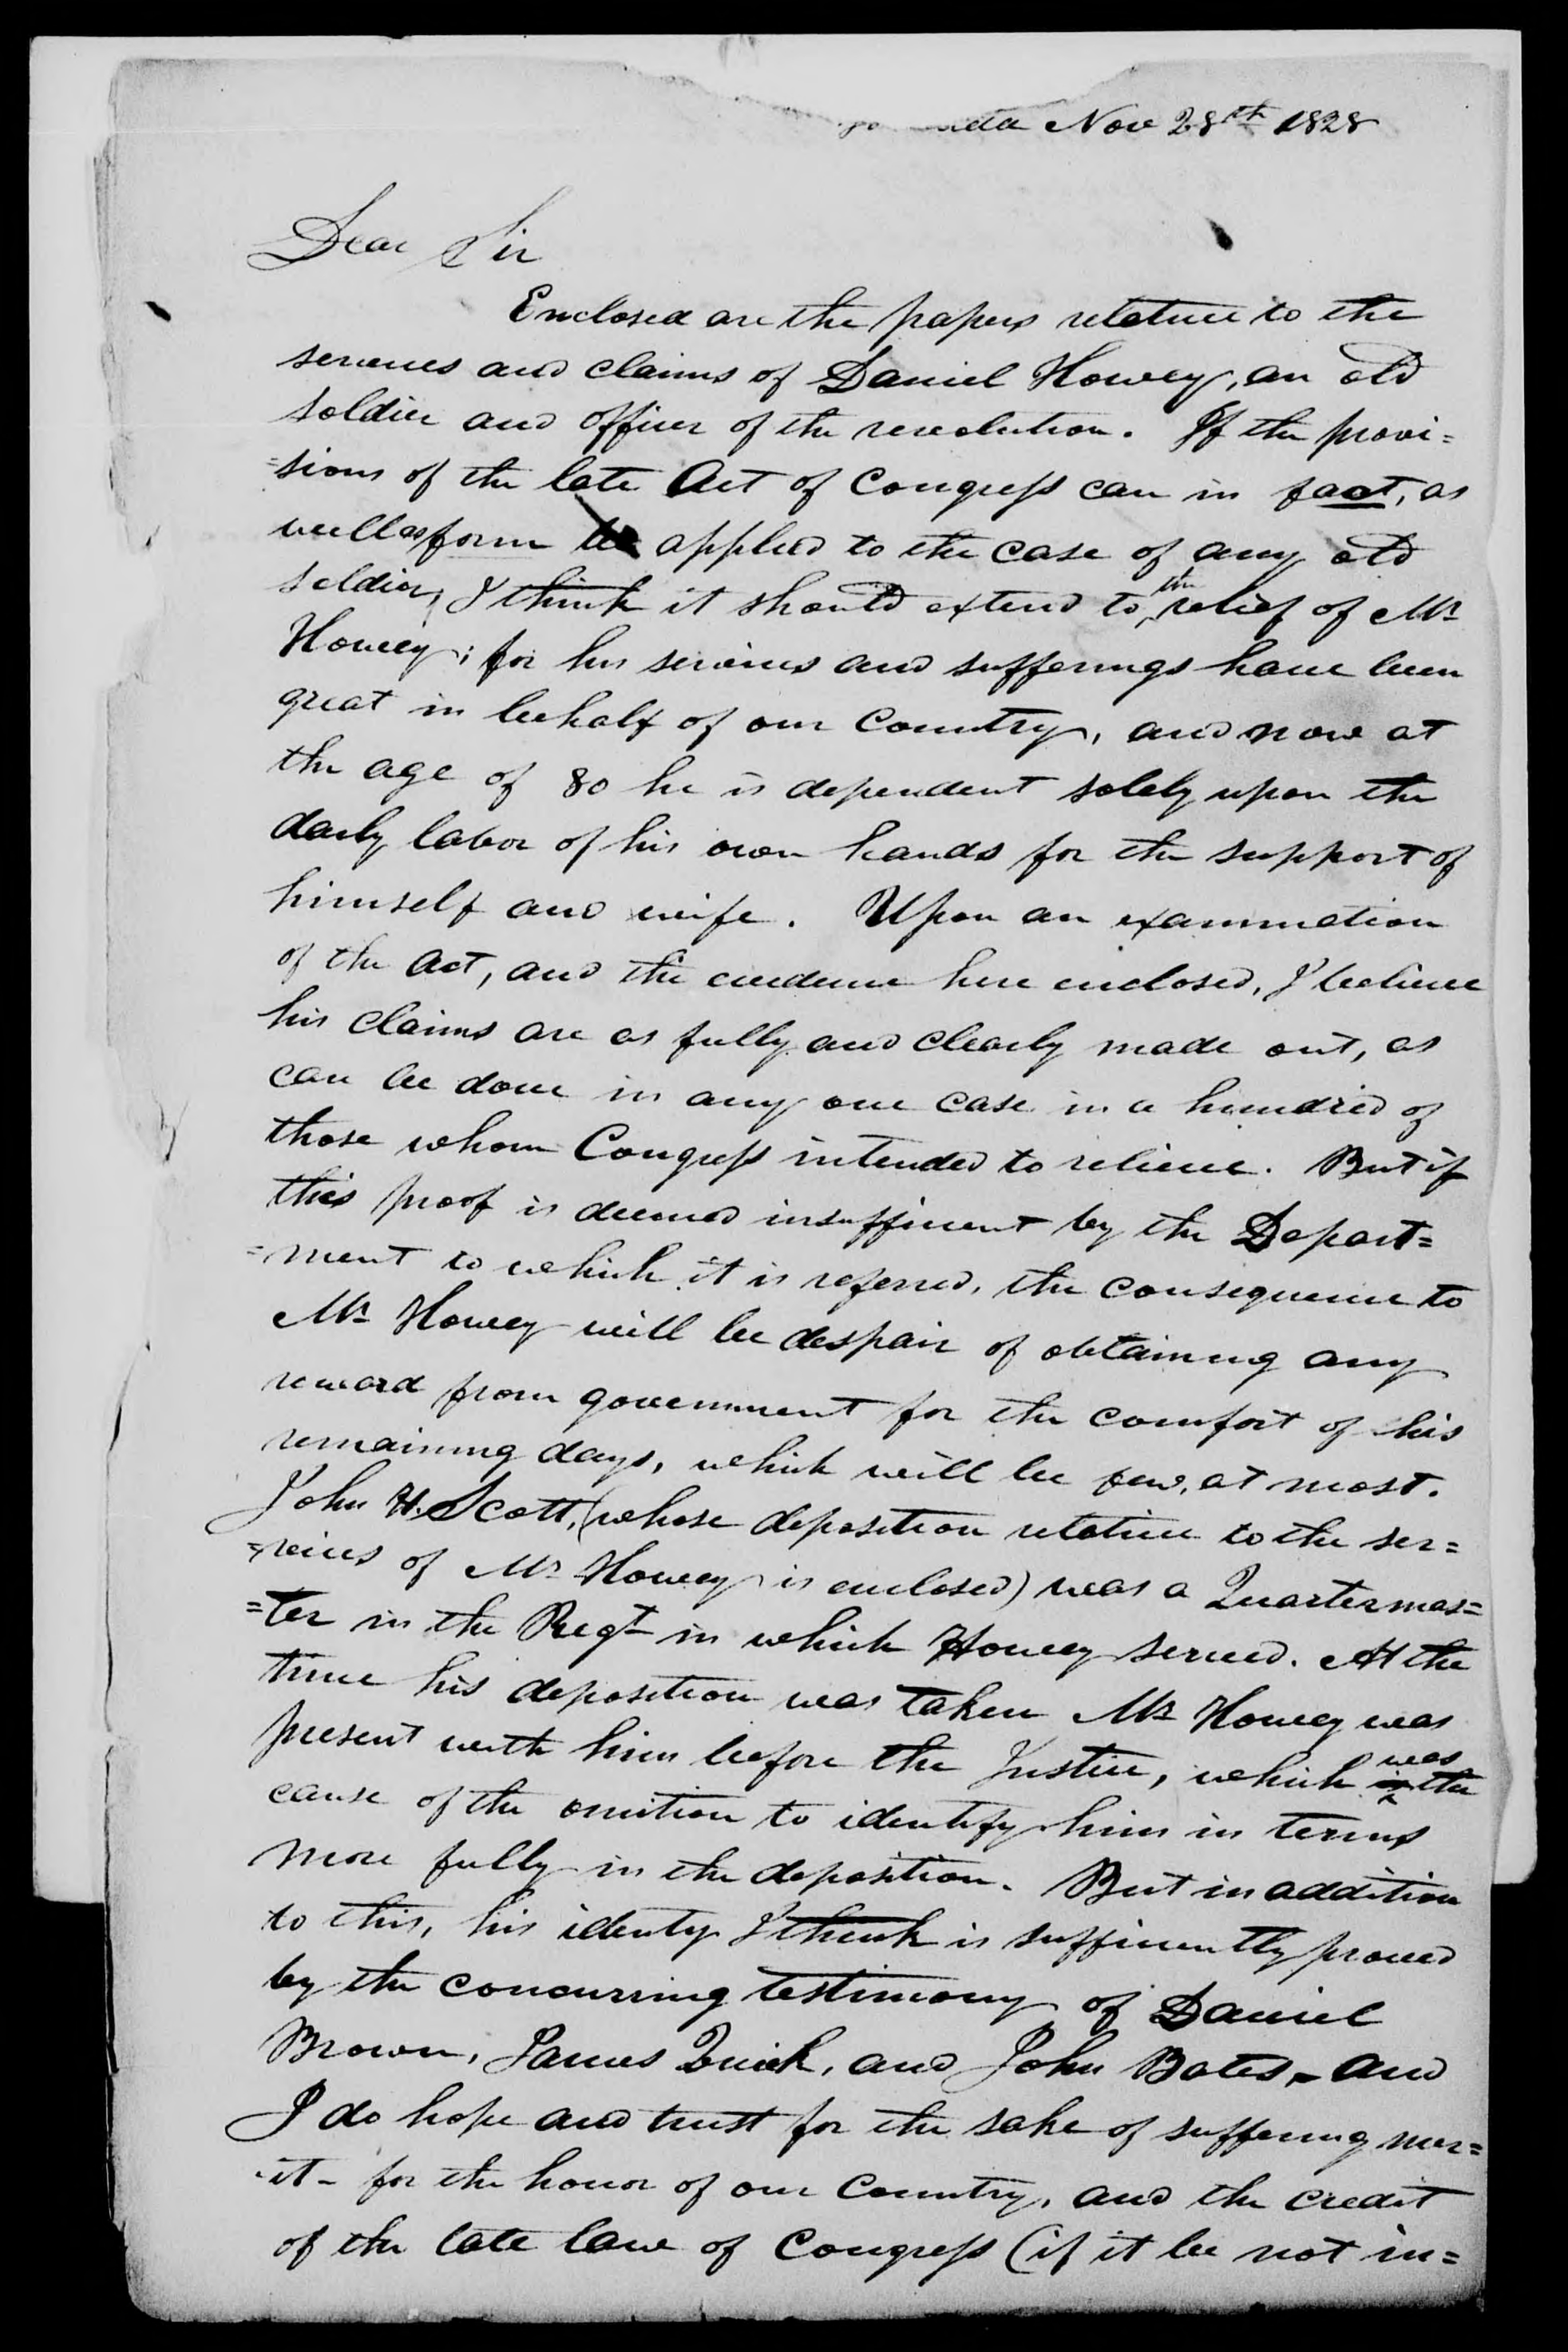[top of page and first word torn] [letters missing]da  Nov 28th1828
Dear Sir
Enclosed are the papers relative to the services and claims of Daniel Howey, an old soldier and officer of the revolution. If the provisions of the late Act of Congress can in fact [underlined] as well as form [underlined] be [smudged] applied to the case of any old soldier, I think it should extend to the relief of Mr Howey; for his services and sufferings have been great in behalf of our Country, and now at the age of 80 he is dependent solely upon the daily labor of his own hands for the support of himself and wife. Upon an examination of the Act, and the evidence here enclosed, I believe his claims are as fully and clearly made out, as can be done in any one case in a hundred of those whom Congress intended to relieve. But if this proof is deemed insufficient by the Department to which it is referred, the consequence to Mr. Howey will be despair of obtaining any reward from government for the comfort of his remaining days, which will be few, at most. John H. Scott (whose deposition relative to the services of Mr Howey is enclosed) was a Quartermaster in the Regt in which Howey served. At the time his deposition was taken Mr Howey was present with him before the Justice, which was the cause of the omition to identify him in terms more fully in the deposition. But in addition to this, his identity I think is sufficiently proved by the concurring testimony of Daniel Brown, James Quick, and John Bates. And I do hope and trust for the sake of suffering merit - for the honor of our country, and the credit of the late law of Congress (if it be not in=)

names: John Bates, John H Scott, Daniel Howey, Daniel Brown, James Quick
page: 14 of 25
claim: rejected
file: R. 5190, Daniel Howey, New Jersey New York